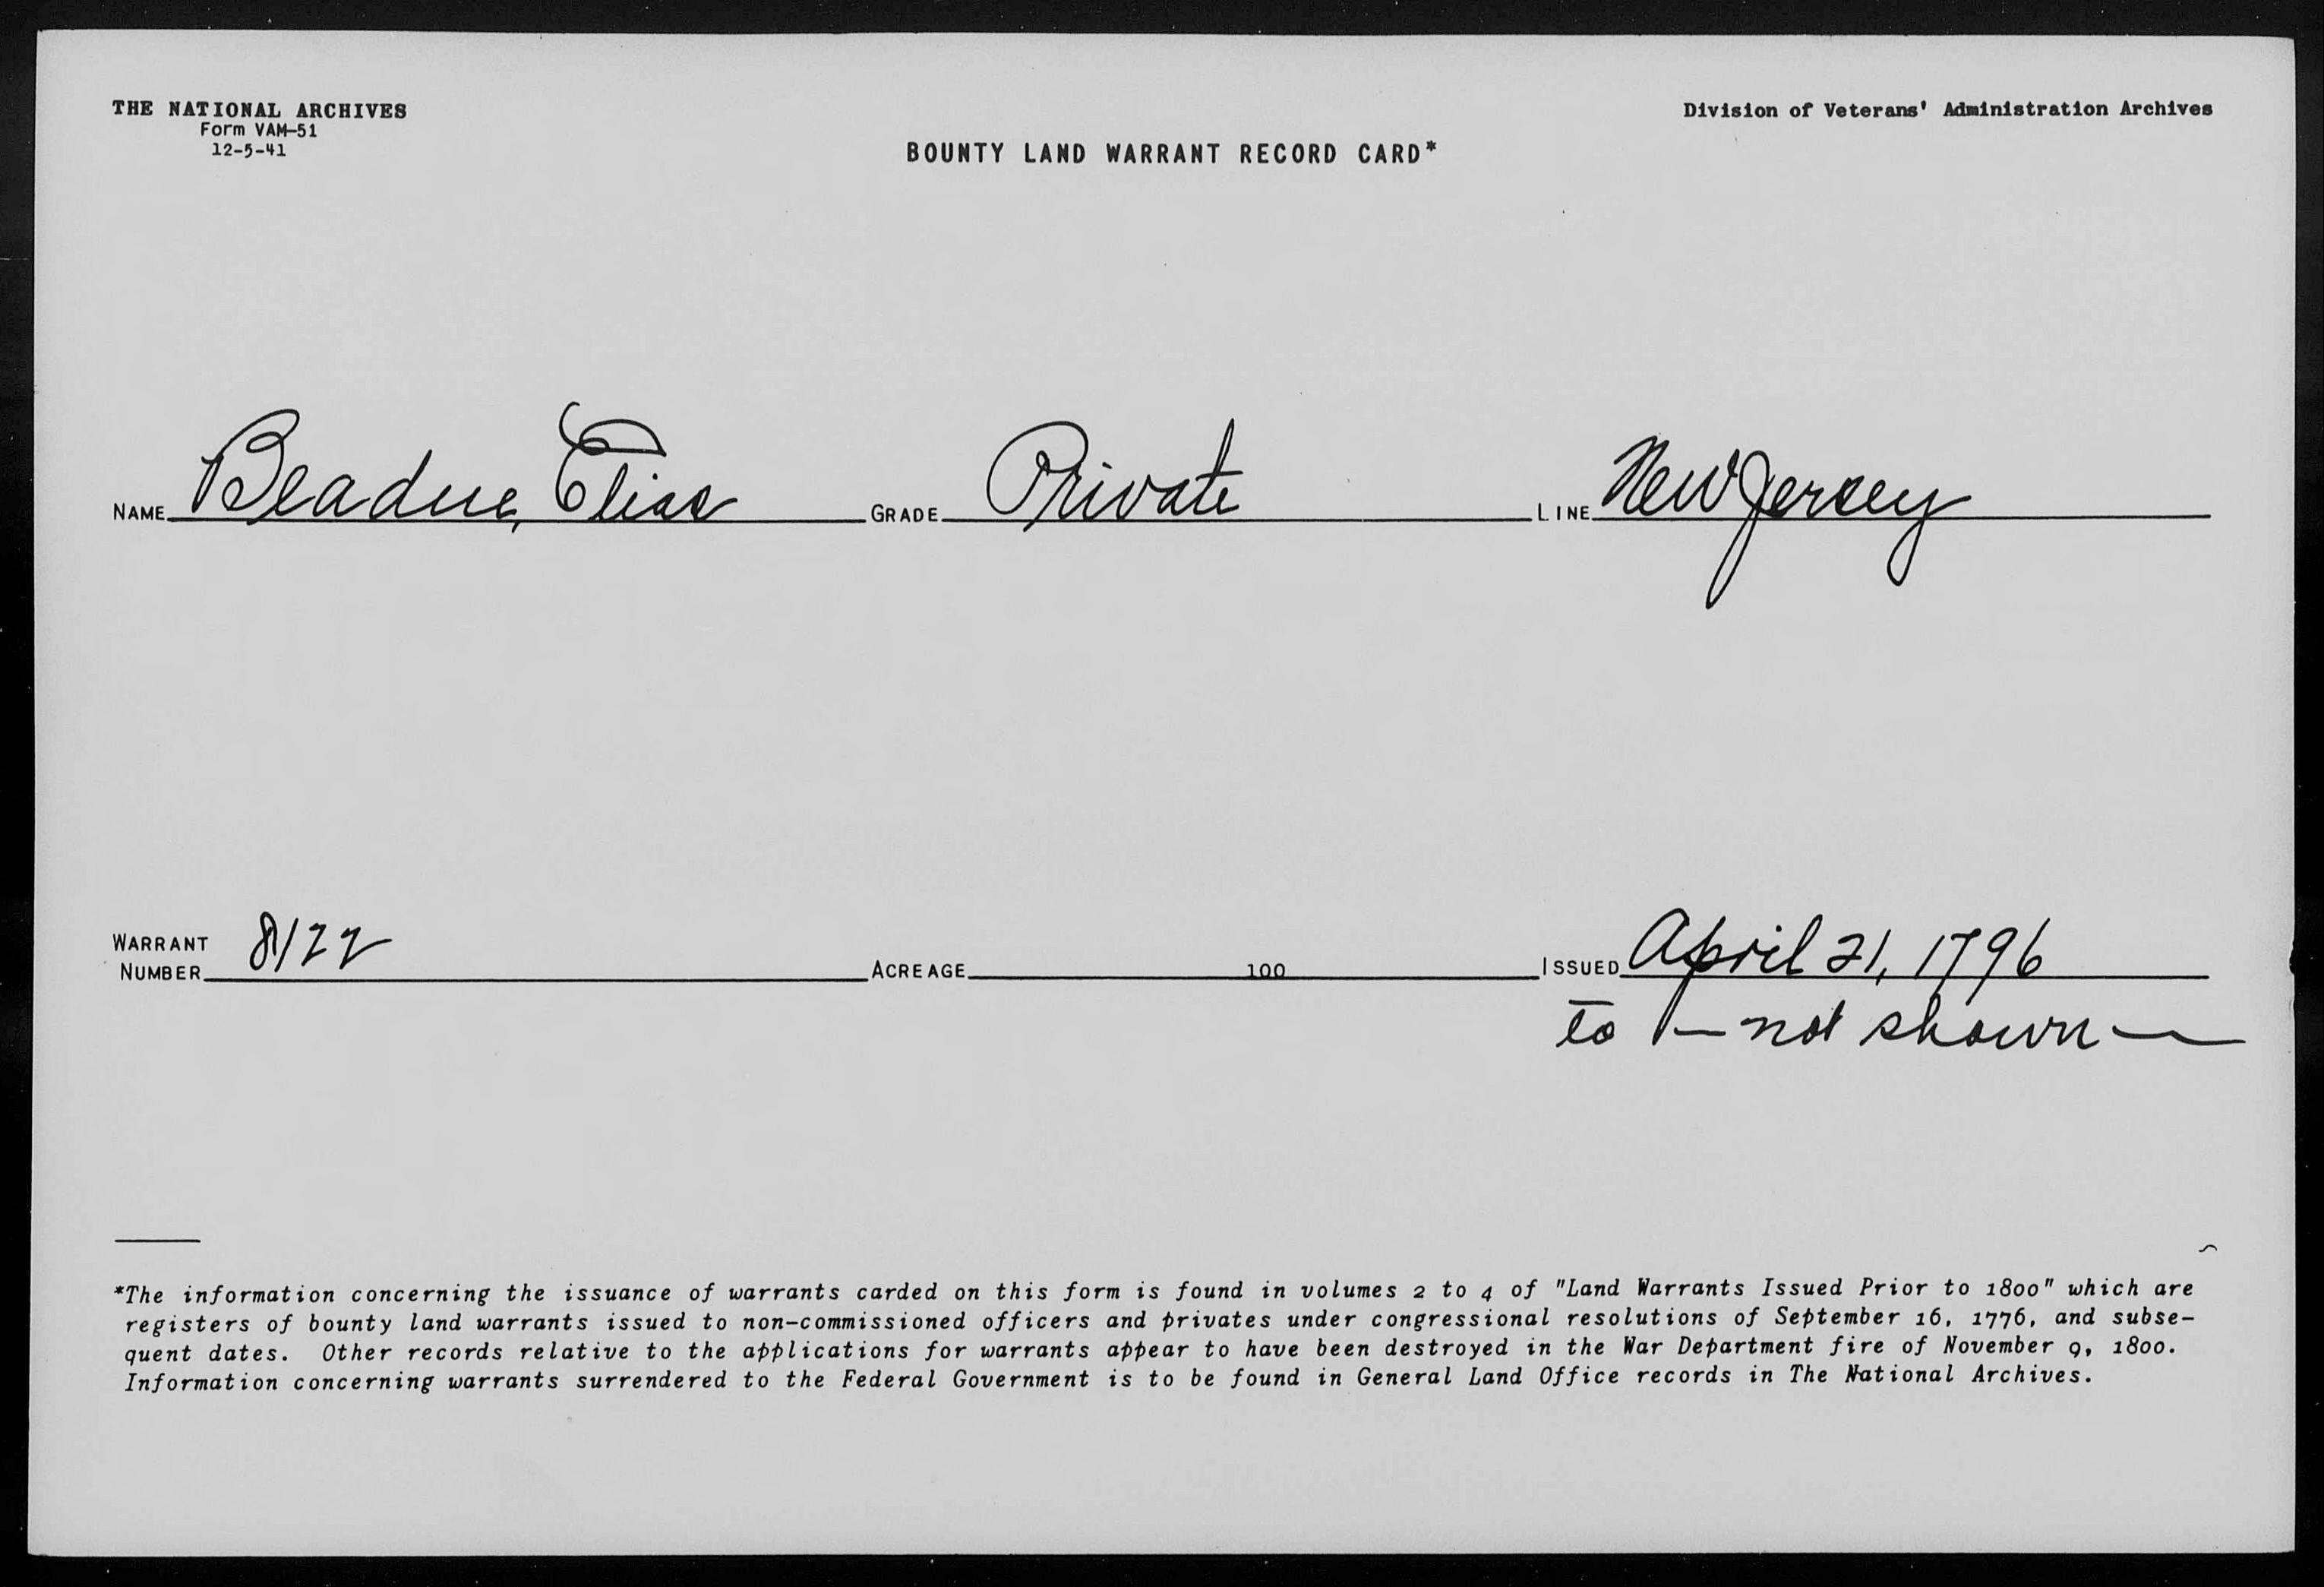THE NATIONAL ARCHIVES
Form VAM-51
12-5-41

BOUNTY LAND WARRANT RECORD CARD*

Division of Veteran's Administration Archives

NAME Beadue, Elias
GRADE Private
LINE New Jersey
WARRANT NUMBER 8122
ACREAGE 100
ISSUED April 21, 1796 to -- not shown

*The information concerning the issuance of warrants carded on this form is found in volumes 2 to 4 of "Land Warrants Issued Prior to 1800" which are registers of bounty land warrants issued to non-commissioned officers and privates under congressional resolutions of September 16, 1776, and subsequent dates. Other records relative to the applications for warrants appear to have been destroyed in the War Department fire of November 9, 1800. Information concerning warrants surrendered to the Federal Government is to be found in General Land Office records in The National Archives.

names: Elias Beadue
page: 13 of 13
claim: survivor's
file: S. 17841, Joel Beadles, Va.